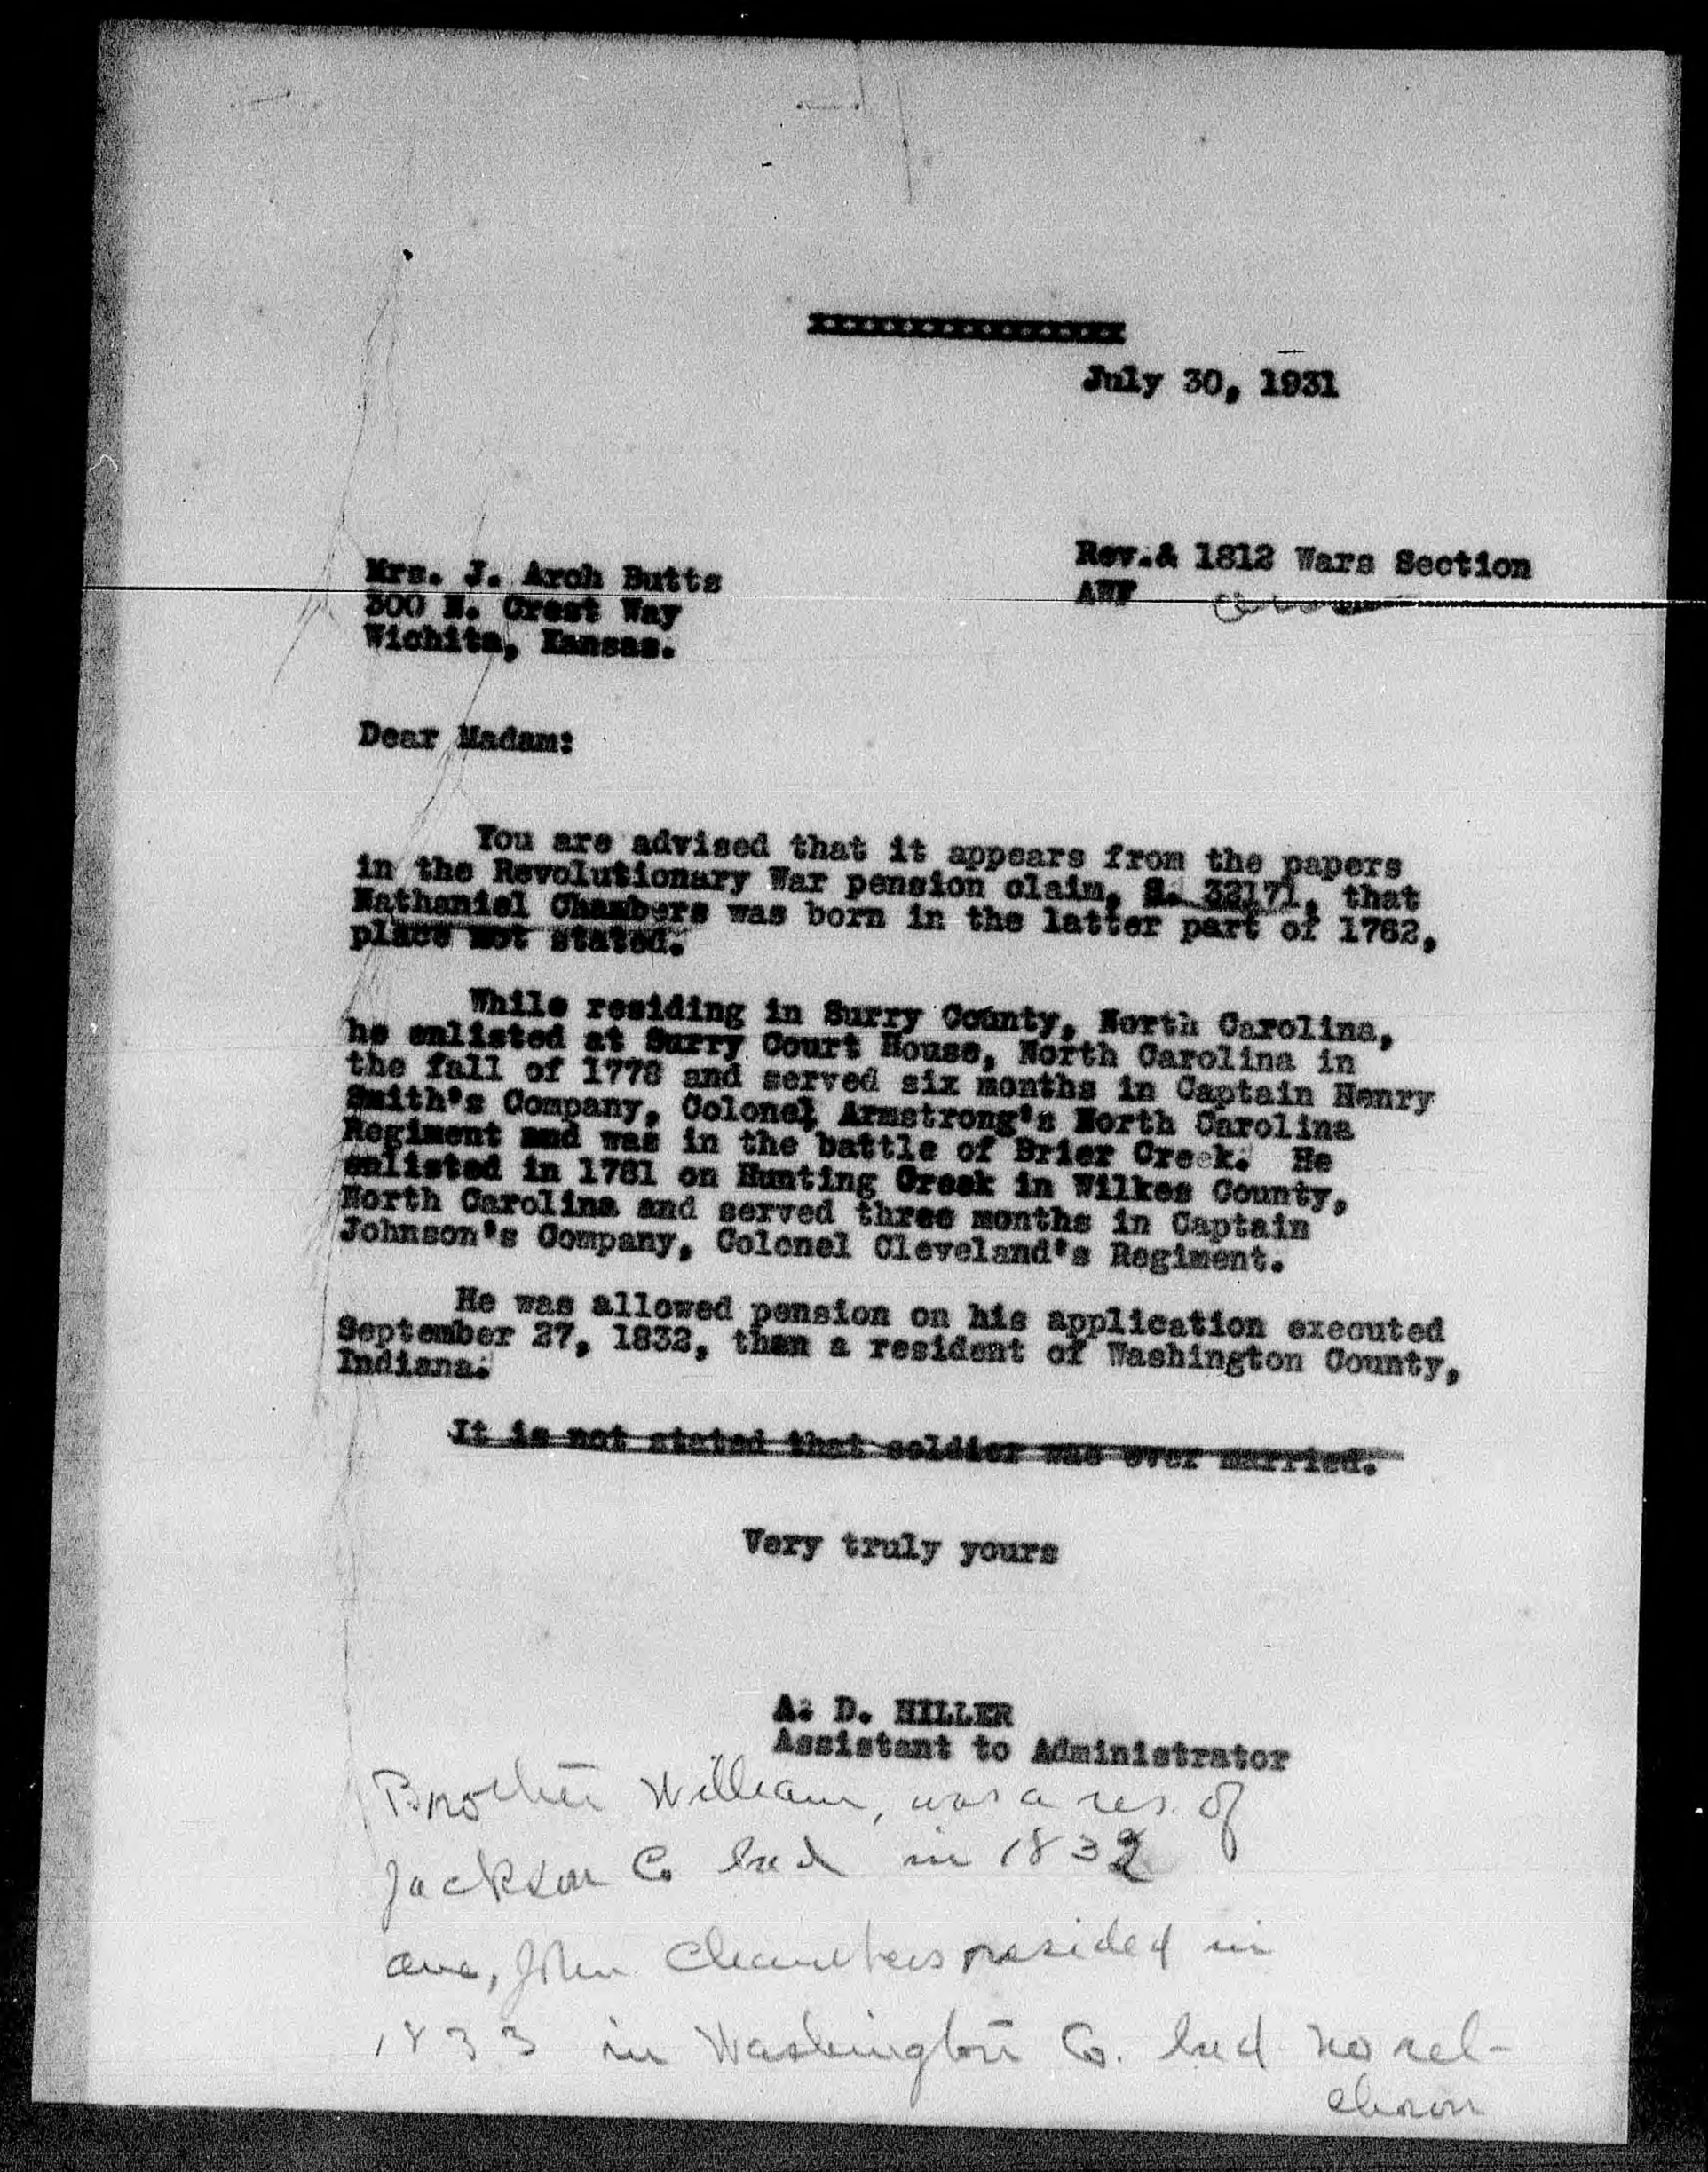July 30, 1931
Rev. & & 1812 Wars 

Mrs. J. Arch Butts
300 N. Crest Way
Wichita, Kansas.

Dear Madam:

    You are advised that it appears from the papers in the Revolutionary War pension claim, S. 32171, that
Nathaniel Chambers was born in the latter part of 1762, place not stated.
    While residing in Surry County, North Carolina, he enlisted at Surry Court House, North Carolina in
the fall of 1778 and served six months in Captain Henry Smith's Company, Colonel Armstrong's North Carolina Regiment and was in the Battle of Brier Creek. He enlisted in 1781 on Hunting Creek in Wilkes County, North Carolina and served three months in Captain Johnson's Company, Colonel Cleveland's Regiment.
    He was allowed pension on his application executed September 27, 1832, then a resident of Washington County, Indiana.

Very truly yours
A. D. HILLER
Assistant to Administrator
Brother William, was a res. of
Jackson Co. Ind in 1832
one, John Chambers resided in
1833 in Washington Co. Ind no relation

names: Nathaniel Chambers, J Arch Butts, William, A D Hiller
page: 8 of 13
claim: survivor's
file: S. 32,171, Nathaniel Chambers, N.C.